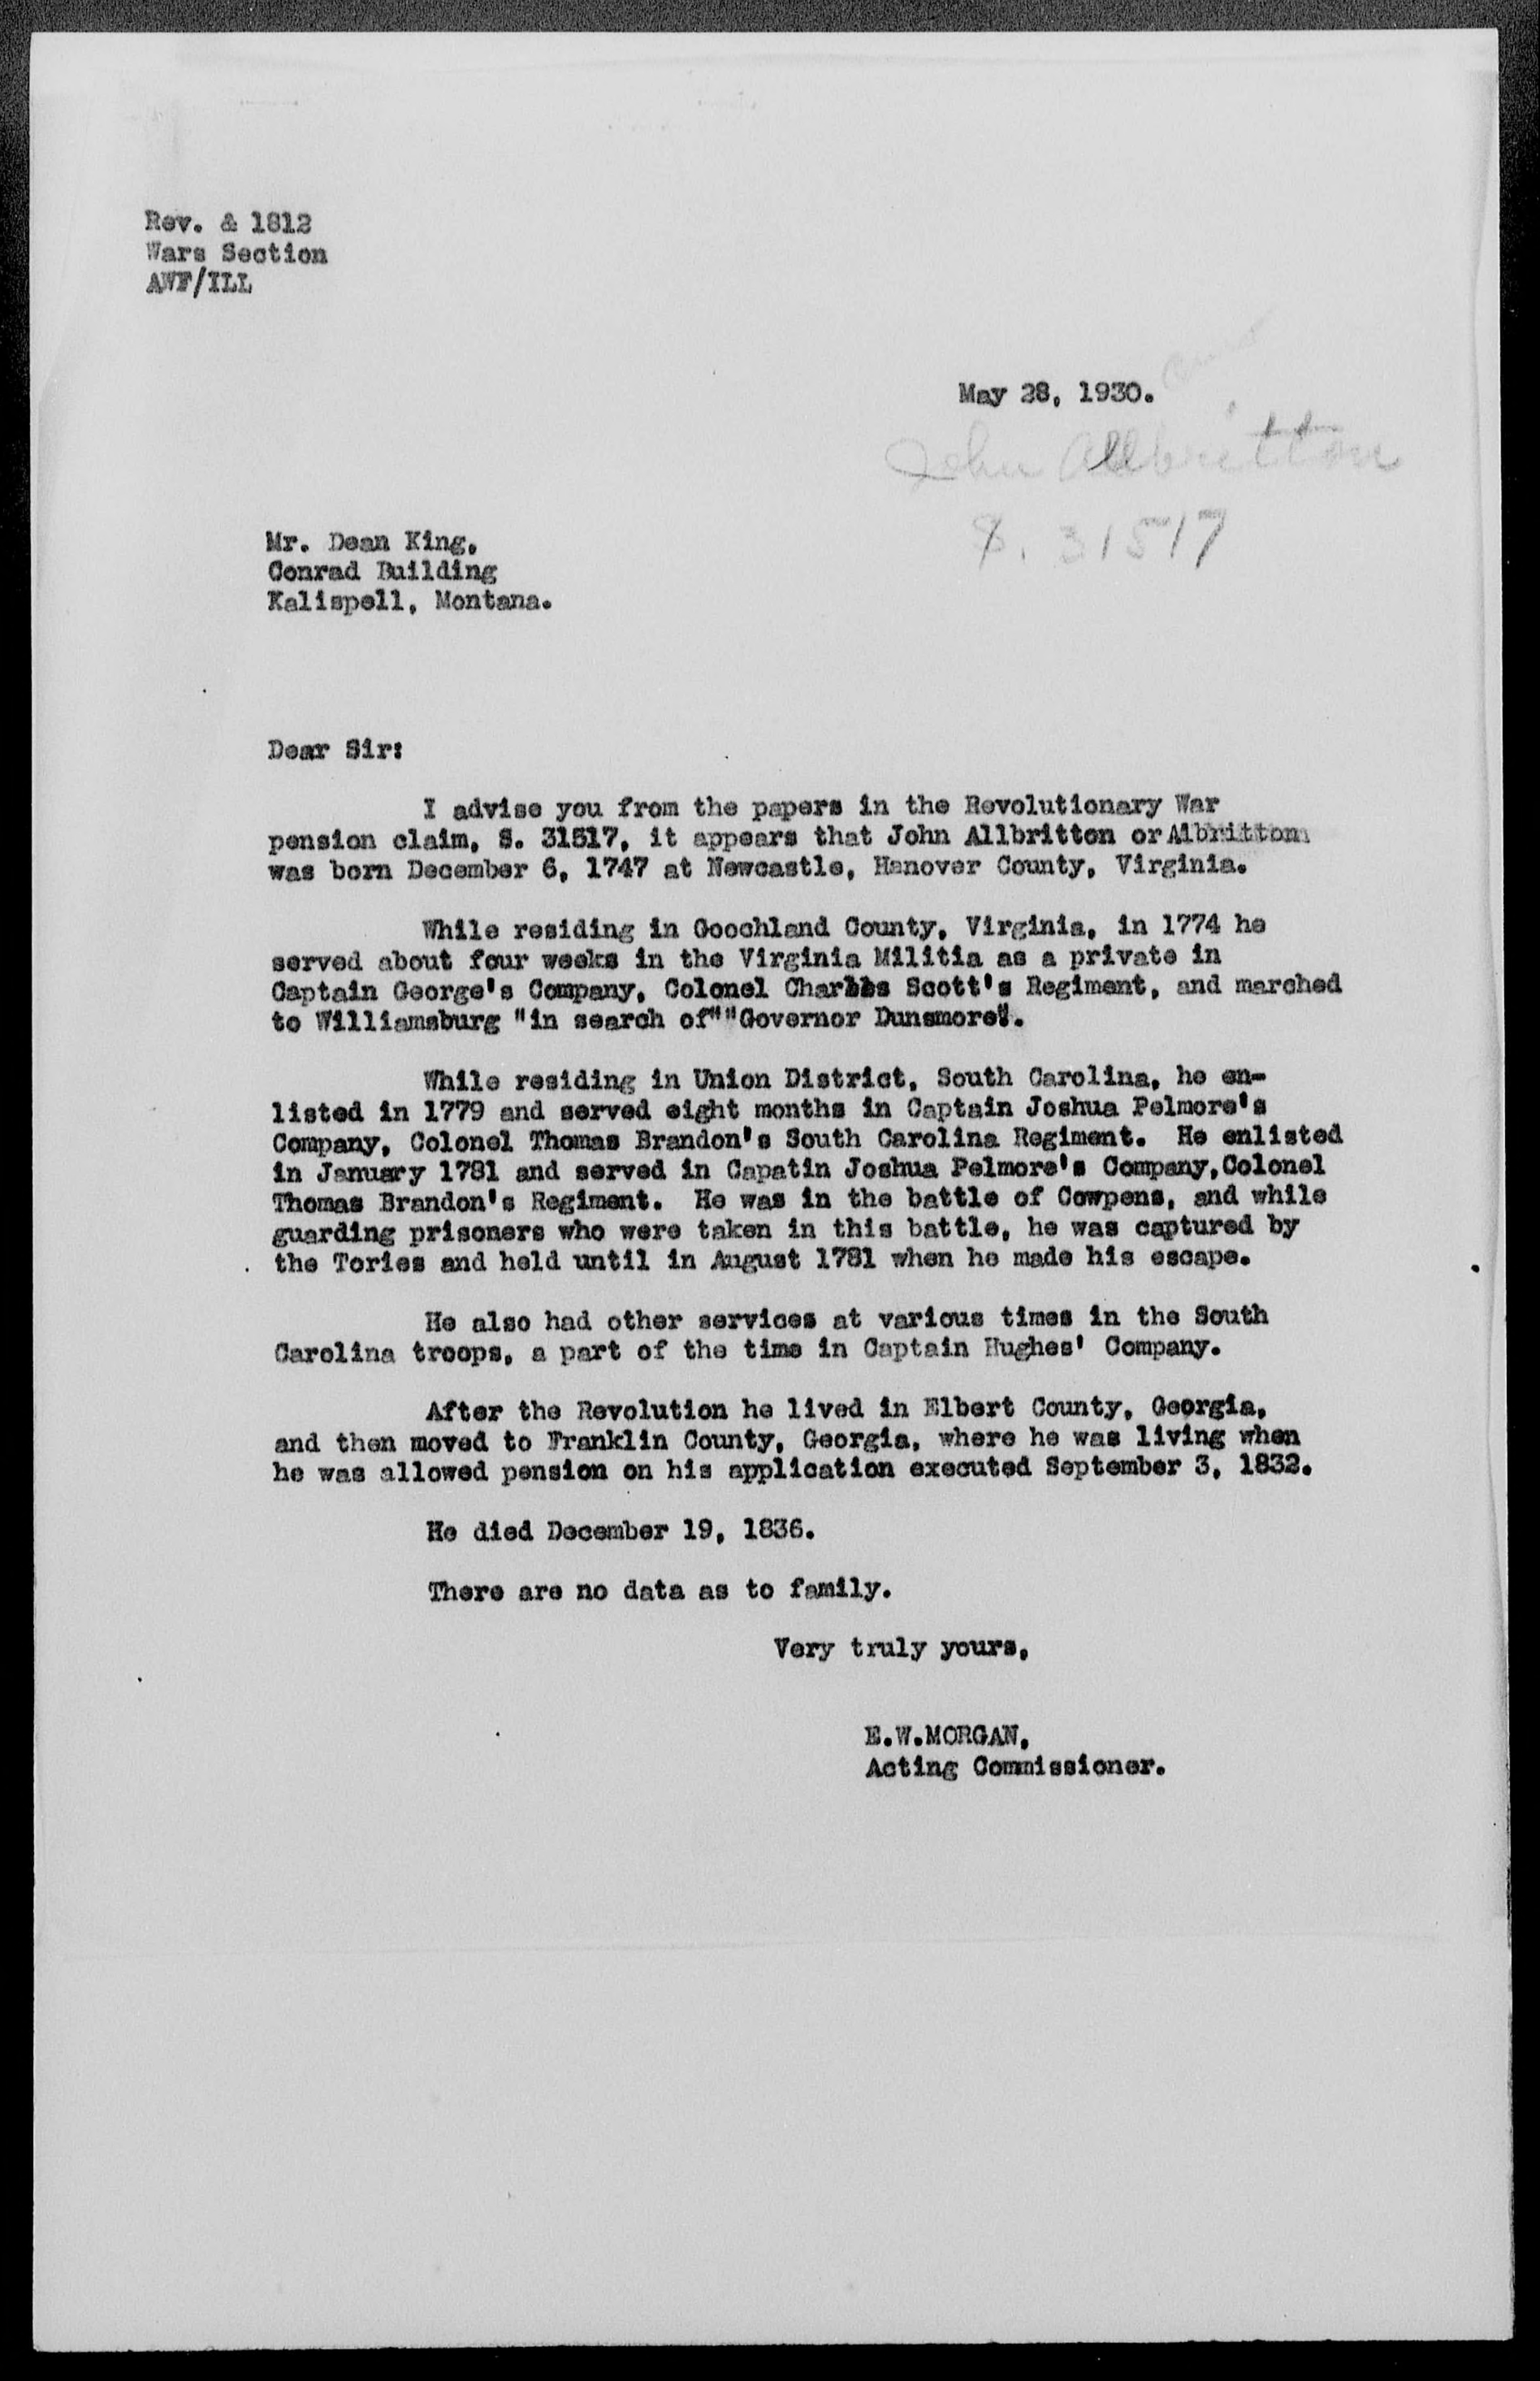Rev. & 1812'
Wars Section
AWF/ILL
May 28, 1930
John Allbritton
S. 31517
Mr. Dean King,
Conrad Building
Kalispell, Montana.
Dear Sir:
I advise you from the papers in the Revolutionary War pension claim, S. 31517, it appears that John Allbritton or Albritton was born December 6, 1747 at Newcastle, Hanover County, Virginia.
While residing in Goochland County, Virginia, in 1774 he served about four weeks in the Virginia Militia as a private in Captain George's Company, Colonel Charles Scott's Regiment, and marched to Williamsburg "in search of" "Governor Dunsmore."
While residing in Union District, South Carolina, he enlisted in 1779 and served eight months in Captain Joshua Pelmore's Company, Colonel Thomas Brandon's South Carolina Regiment. He enlisted in January 1781 and served in Capatin Joshua Pelmore's Company, Colonel Thomas Brandon's Regiment. He was in the battle of Cowpens, and while guarding prisoners who were taken in this battle, he was captured by the Tories and held until in August 1781 when he made his escape.
He also had other services at various times in the South Carolina troops, a part of the time in Captain Hughes' Company. 
After the Revolution he lived in Elbert County, Georgia, and then moved to Franklin County, Georgia, where he was living when he was allowed pension on his application executed September 3, 1832.
He died December 19, 1836.
There are no data as to family.
Very truly yours,
E. W. MORGAN
Acting Commissioner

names: Albritton, John Allbritton, John Allbritton, Dean King, E W Morgan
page: 12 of 22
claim: survivor's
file: S. 31,517, John Allbritton, S.C.